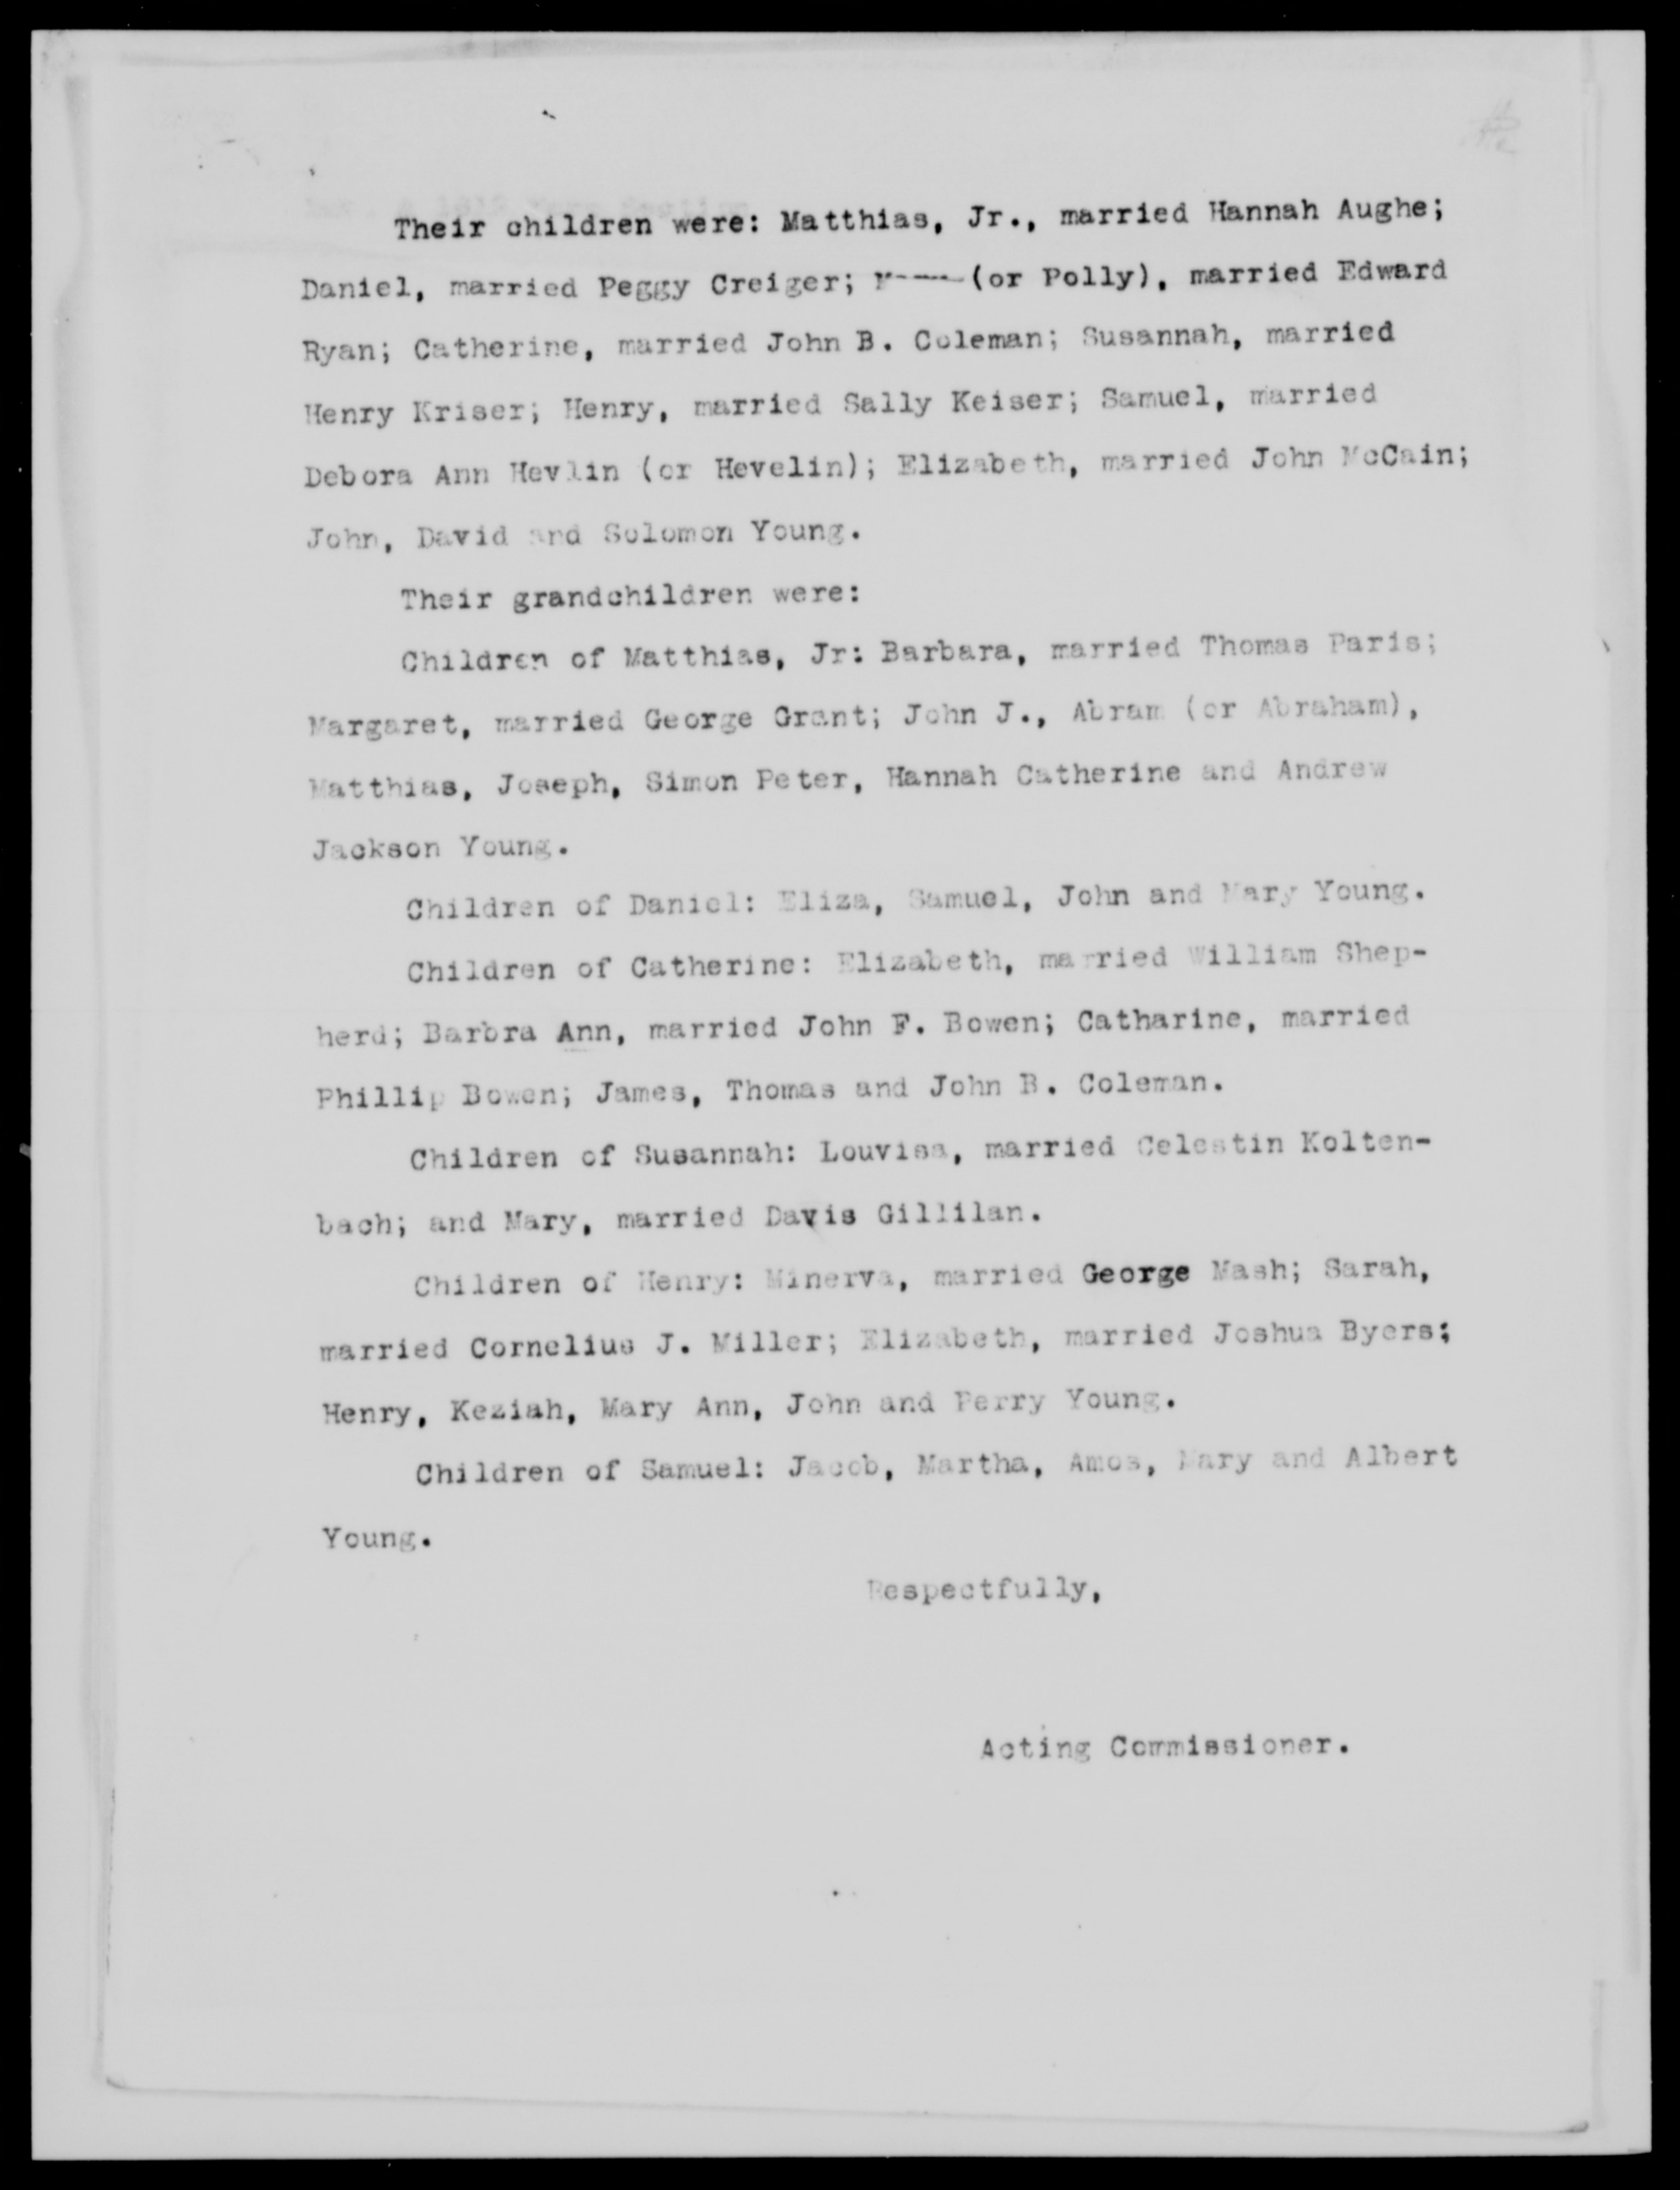Their children were: Matthias, Jr., married Hannah Aughe; Daniel, married Peggy Creiger; Mary (or Polly), married Edward Ryan; Catherine, married John B. Coleman; Susannah, married Henry Kriser; Henry, married Sally Keiser; Samuel, married Debora Ann Nevin (or Hevelin); Elizabeth, married John McCain; John, David and Solomon Young.

Their grandchildren were:
Children of Matthias, Jr. Barbara, married Thomas Paris; Margaret, married George Grant; John J., Abram (or Abraham), Matthias, Joseph, Simon Peter, Hannah Catherine and Andrew Jackson Young.

Children of Daniel: Eliza, Samuel, John and Mary Young,

Children of Catherine Elizabeth, married William Shepherd; Barbra Ann, married John F. Bowen; Catharine, married Phillip Bowen; James Thomas and John B. Coleman.

Children of Susannah: Louvisa, married Celestin Koltenbach; and Mary, married Davis Gillilan.

Children of Henry Minerva, married George Nash; Sarah, married Cornelius J. Miller; Elizabeth, married Joshua Byers; Henry, Keziah, Mary Ann, John and Perry Young,

Children of Samuel: Jacob, Martha, Amos, Mary and Albert Young.

Respectfully,
Acting Commissioner.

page: 52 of 123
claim: rejected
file: R. 11,949, Matthias Young, Md.